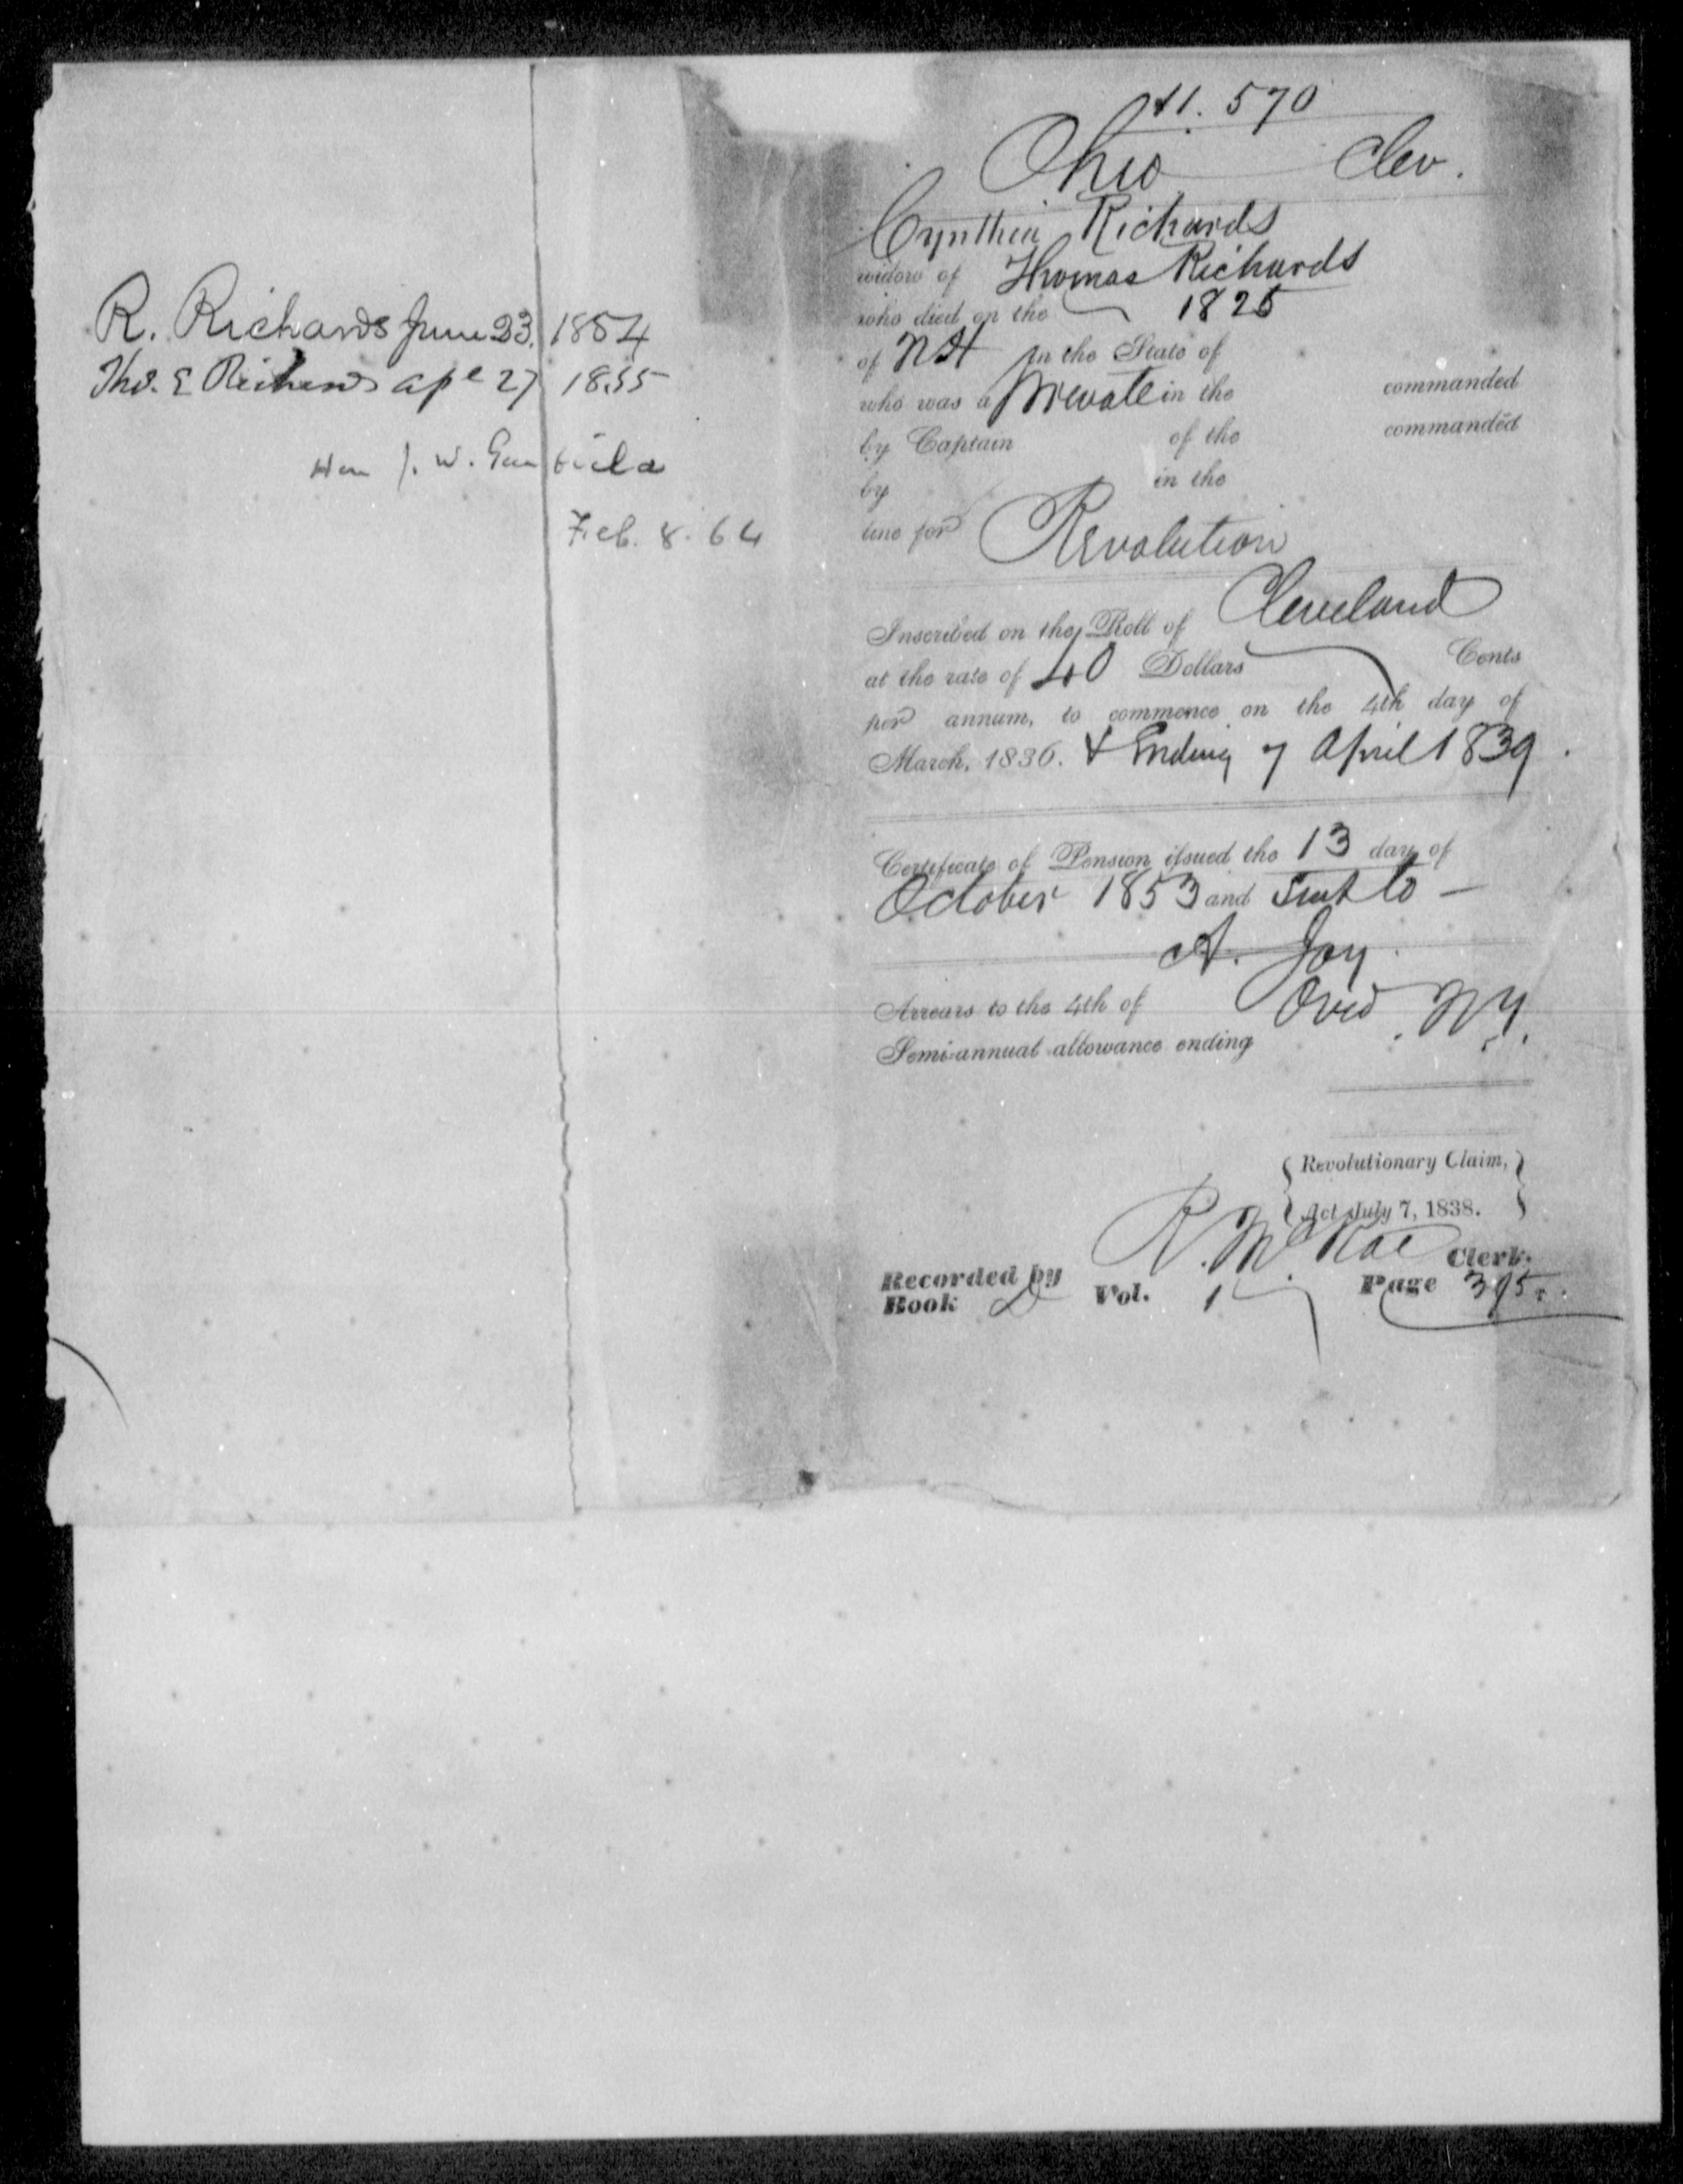R. Richards June 23. 1854
Tho. [THOMAS] E Richards Apl [APRIL] 27 1855

Hon [HONORABL] J. W. [illegible]
Feb. 8. [18]64
11.750
Ohio Clev. [CLEVELAND]
Cynthia Richards widow of Thomas Richards who died on the - 1825
of N H in the State of [blank] who was a private in the [blank] commanded by Captain [blank] 
of the [blank] commanded by [blank] in the
[blank] line for Revolution
Inscribed on the Roll of Cleveland at the rate of 40 Dollars - Cents per annum, to commence on the 4th day of March 1836 & ending 7 April. 1839.
Certificate of Pension issued the 13 day of
October 1853 and sent to - A. Joy Ovid NY.
Arrears to the 4th of [blank] 
Semiannual allowance ending
-
{Revolutionary Claim, Act July 7, 1838.}
Recorded by R McRae Clerk.
Book D Vol. 1 Page 395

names: Thomas Richards; R Richards; R Mc Rae; Thos E Richards; A Joy; Cynthia Richards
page: 3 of 109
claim: widow's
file: W. 5709, for Thomas Richards, New Hampshire